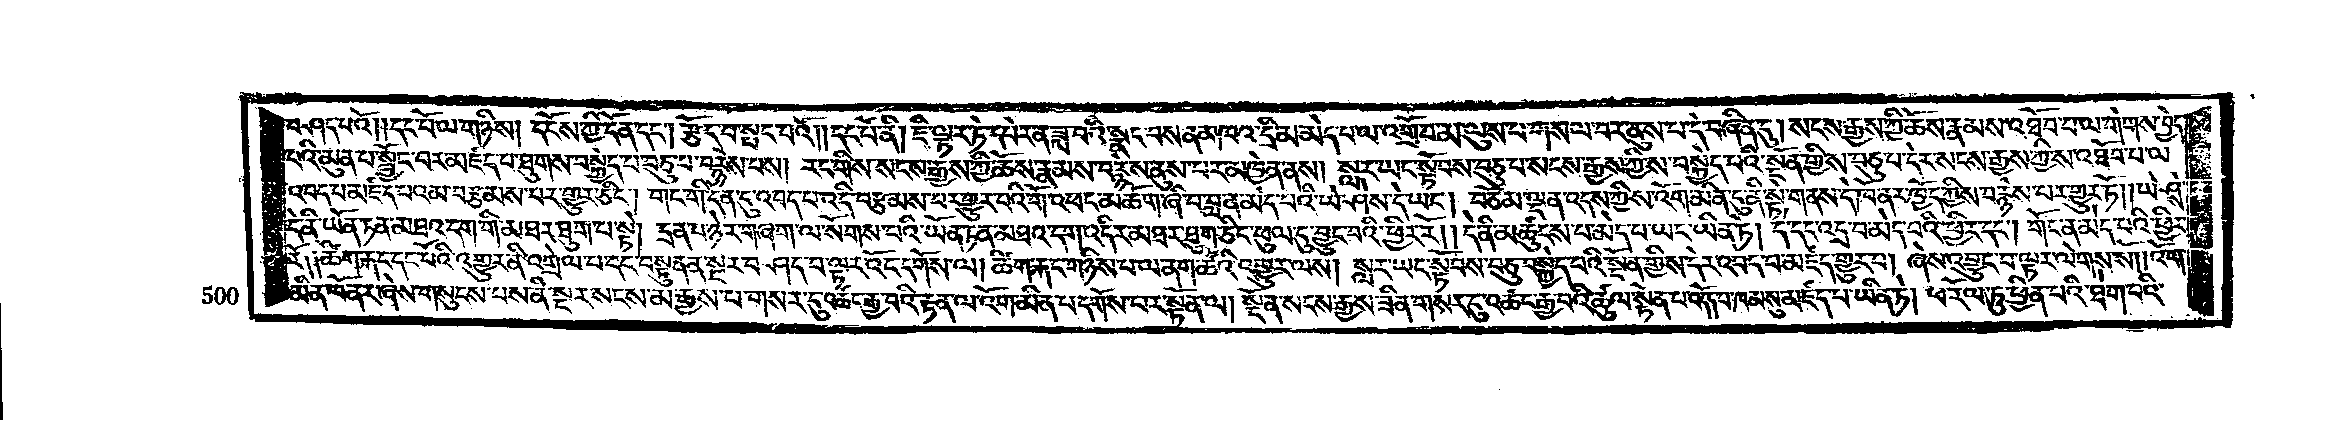བཤད་པའོ། །དང་པོ་ལ་གཉིས། དངོས་ཀྱི་དོན་དང་། རྩོད་པ་སྤང་བའོ། །དང་པོ་ནི། ཇི་ལྟར་ཏེ་དཔེར་ན་ཟླ་བའི་སྣང་བས་ན་མཁའ་དྲི་མ་མེད་པ་ལ་འགྲོ་བ་མ་ལུས་པ་གསལ་བར་ནུས་པ་དེ་བཞིན་དུ། སངས་རྒྱས་ཀྱི་ཆོས་རྣམས་འཐོབ་པ་ལ་གེགས་བྱེད་
པའི་མུན་པ་སྦྱོང་བར་མཛད་པ་ཐུགས་བསྐྱེད་པ་བཅུ་པ་བརྙེས་པས། རང་གིས་སངས་རྒྱས་ཀྱི་ཆོས་རྣམས་བརྙེས་ནུས་པར་མཁྱེན་ནས། སླར་ཡང་སྟོབས་བཅུ་པ་སངས་རྒྱས་ཀྱི་ས་བསྐྱེད་པའི་སྔོན་གྱི་ས་བཅུ་པ་དེར་སངས་རྒྱས་ཀྱི་ས་འཐོབ་པ་ལ་
འབད་པ་མཛད་པའམ་བརྩམས་པར་གྱུར་ཅིང་། གང་གི་དོན་དུ་འབད་པ་འདི་བརྩམས་པར་གྱུར་པའི་གོ་འཕང་མཆོག་ཞི་བ་བླ་ན་མེད་པའི་ཡེ་ཤེས་དེ་ཡང་། བཅོམ་ལྡན་འདས་ཀྱིས་འོག་མིན་དུ་ནི་སྟེ་གནས་དེ་ཁོ་ནར་ཁྱོད་ཀྱིས་བརྙེས་པར་གྱུར་ཏོ། །ཡེ་ཤེས་
དེ་ནི་ཡོན་ཏན་མཐའ་དག་གི་མཐར་ཐུག་པ་སྟེ། དྲན་པ་ཉེར་གཞག་ལ་སོགས་པའི་ཡོན་ཏན་མཐའ་དག་འདིར་མཐར་ཐུག་ཅིང་ཕུལ་དུ་བྱུང་བའི་ཕྱིར་རོ། །དེ་ནི་མཚུངས་པ་མེད་པ་ཡང་ཡིན་ཏེ། དེ་དང་འདྲ་བ་མེད་པའི་ཕྱིར་དང་། གོང་ན་མེད་པའི་ཕྱིར་
རོ། །ཚིག་རྐང་དང་པོའི་འགྱུར་ནི་འགྲེལ་པ་དང་བསྟུན་ན་སྔར་བཤད་པ་ལྟར་འོང་དགོས་ལ། ཚིག་རྐང་གཉིས་པ་ལ་ནག་ཚོའི་འགྱུར་ལས། སླར་ཡང་སྟོབས་བཅུ་བསྐྱེད་པའི་སྔོན་གྱིས་དེར་འབད་བ་མཛད་གྱུར་པ། ཞེས་འབྱུང་བ་ལྟར་ལེགས་སོ། །འོག་
མིན་ཁོ་ནར་ཞེས་གསུངས་པས་ནི་སྔར་སངས་མ་རྒྱས་པ་གསར་དུ་འཚང་རྒྱ་བའི་རྟེན་ལ་འོག་མིན་པ་དགོས་པར་སྟོན་ལ། སྔོན་སངས་རྒྱས་ཟིན་གསར་དུ་འཚང་རྒྱ་བའི་ཚུལ་སྟོན་པ་འདོད་པ་ཁམས་སུ་མཛད་པ་ཡིན་ཏེ། ཕ་རོལ་ཏུ་ཕྱིན་པའི་ཐེག་པའི་